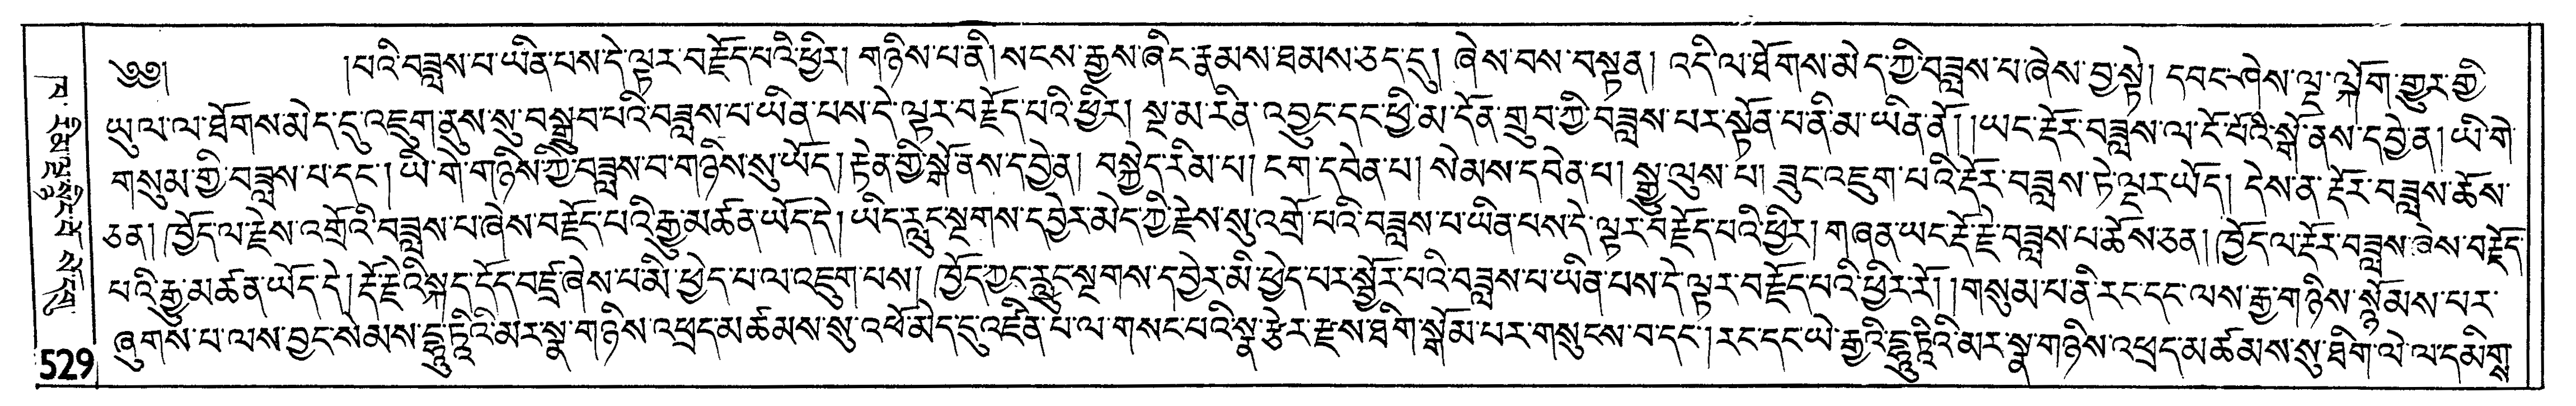༄༅། །པའི་བཟླས་པ་ཡིན་པས་དེ་ལྟར་བརྗོད་པའི་ཕྱིར། གཉིས་པ་ནི། སངས་རྒྱས་ཞིང་རྣམས་ཐམས་ཅད་དུ། ཞེས་བས་བསྟན། འདི་ལ་ཐོགས་མེད་ཀྱི་བཟླས་པ་ཞེས་བྱ་སྟེ། དབང་ཤེས་ལྔ་ལྐོག་གྱུར་གྱི་
ཡུལ་ལ་ཐོགས་མེད་དུ་འཇུག་ནུས་སུ་བསྒྲུབ་པའི་བཟླས་པ་ཡིན་པས་དེ་ལྟར་བརྗོད་པའི་ཕྱིར། སྔ་མ་རིན་འབྱུང་དང་ཕྱི་མ་དོན་གྲུབ་ཀྱི་བཟླས་པར་སྟོན་པ་ནི་མ་ཡིན་ནོ། །ཡང་རྡོར་བཟླས་ལ་ངོ་བོའི་སྒོ་ནས་དབྱེ་ན། ཡི་གེ་
གསུམ་གྱི་བཟླས་པ་དང་། ཡི་གེ་གཉིས་ཀྱི་བཟླས་བ་གཉིས་སུ་ཡོད། རྟེན་གྱི་སྒོ་ནས་དབྱེ་ན། བསྐྱེད་རིམ་པ། ངག་དབེན་པ། སེམས་དབེན་པ། སྒྱུ་ལུས་པ། ཟུང་འཇུག་པའི་རྡོར་བཟླས་ཏེ་ལྔར་ཡོད། དེས་ན་རྡོར་བཟླས་ཆོས་
ཅན། ཁྱོད་ལ་རྗེས་འགྲོའི་བཟླས་པ་ཞེས་བརྗོད་པའི་རྒྱུ་མཚན་ཡོད་དེ། ཡིད་རླུང་སྔགས་དབྱེར་མེད་ཀྱི་རྗེས་སུ་འགྲོ་བའི་བཟླས་པ་ཡིན་པས་དེ་ལྟར་བརྗོད་པའི་ཕྱིར། གཞན་ཡང་རྡོ་རྗེ་བཟླས་པ་ཆོས་ཅན། ཁྱོད་ལ་རྡོར་བཟླས་ཞེས་བརྗོད་
པའི་རྒྱུ་མཚན་ཡོད་དེ། རྡོ་རྗེའི་སྐད་དོད་བཛྲ་ཞེས་པ་མི་ཕྱེད་པ་ལ་འཇུག་པས། ཁྱོད་ཀྱང་རླུང་སྔགས་དབྱེར་མི་ཕྱེད་པར་སྦྱོར་པའི་བཟླས་པ་ཡིན་པས་དེ་ལྟར་བརྗོད་པའི་ཕྱིར་རོ། །གསུམ་པ་ནི་རང་དང་ལས་རྒྱ་གཉིས་སྙོམས་པར་
ཞུགས་པ་ལས་བྱང་སེམས་དྷཱུ་ཏཱིའི་མར་སྣ་གཉིས་འཕྲད་མཚམས་སུ་འཕོ་མེད་དུ་འཛིན་པ་ལ་གསང་བའི་སྣ་རྩེར་རྫས་ཐིག་སྒོམ་པར་གསུངས་བ་དང་། རང་དང་ཡེ་རྒྱའི་དྷཱུ་ཏཱིའི་མར་སྣ་གཉིས་འཕྲད་མཚམས་སུ་ཐིག་ལེ་ལ་དམིགས་